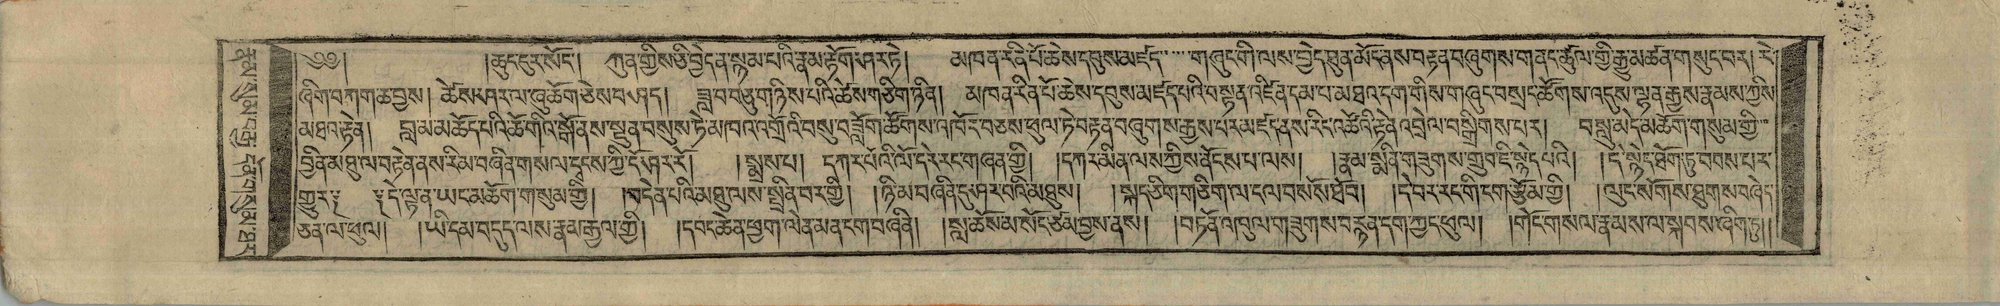༄༅། །ཆུང་ངུར་སོང་། ཀུན་གྱིས་ཅི་བྱེད་ན་སྙམ་པའི་རྣམ་རྟོག་ཤར་ཏེ། མཁན་རིན་པོ་ཆེས་དབུས་མཛད་གཞུང་གི་ལས་བྱེད་ཐུན་མོང་ནས་བརྟན་བཞུགས་གནང་ཚུལ་གྱི་རྒྱུ་མཚན་གསུང་པར། རེ་
ཞིག་བཀག་ཆ་བྱས། ཚེས་ཤར་ལ་ཞུ་ཆོག་ཅེས་བཤད། ཟླ་བ་བཅུ་གཉིས་པའི་ཚེས་གཅིག་ཉིན། མཁན་རིན་པོ་ཆེས་དབུས་མཛད་པའི་བསྟན་འཛིན་དམ་པ་མཐའ་དག་གིས་གཞུང་བསྲང་ཚོགས་འདུས་ལྷན་རྒྱས་རྣམས་ཀྱིས་
མཐའ་རྟེན། བླ་མ་མཆོད་པའི་ཆོ་གའི་སྒོ་ནས་སྡུན་བསུས་ཏེ་མཁའ་འགྲོའི་བསུ་བཟློག་ཚོགས་འཁོར་བཅས་ཕུལ་ཏེ་བརྟན་བཞུགས་རྒྱས་པར་མཛད་ནས་རིང་འཚོའི་རྟེན་འབྲེལ་བསྒྲིགས་པར། བསླུ་མེད་མཆོག་གསུམ་གྱི་
བྱིན་མཐུ་ལ་བརྟེན་ནས་རིམ་བཞིན་གསལ་དྭངས་ཀྱི་དོ་ཤར་རོ། །སྨྲས་པ། དཀར་པོའི་ལོ་དེར་རང་གཞན་གྱི། །དཀར་མིན་ལས་ཀྱིས་ནོངས་པ་ལས། །རྣམ་སྨིན་གཟུགས་གྲུབ་ཇི་སྙེད་པའི། །དེ་སྙེད་ཐོག་ཏུ་བབས་པར་
གྱུར། །དེ་ལྟ་ན་ཡང་མཆོག་གསུམ་གྱི། །བདེན་པའི་མཐུ་ལས་སྤྲིན་བར་གྱི། །ཉི་མ་བཞིན་དུ་ཤར་པའི་མཐུས། །སྐད་ཅིག་གཅིག་ལ་ངལ་བསོས་ཐོབ། །དེ་བར་རང་གི་ངག་རྩོམ་གྱི། །ལུང་སོགས་ཐུགས་བཞེད་
ཅན་ལ་ཕུལ། །ཡི་དམ་བདུད་ལས་རྣམ་རྒྱལ་གྱི། །དབང་ཆེན་ཕྱག་ལེན་མན་ངག་བཞིན། །སླ་ཆོས་མ་སོང་ཙམ་བྱས་ནས། །བཏོན་འཁུལ་གཟུགས་བརྙན་དག་ཀྱང་ཕུལ། །གོང་གསལ་རྣམས་ལ་སྐབས་ཞིག་ཏུ། །